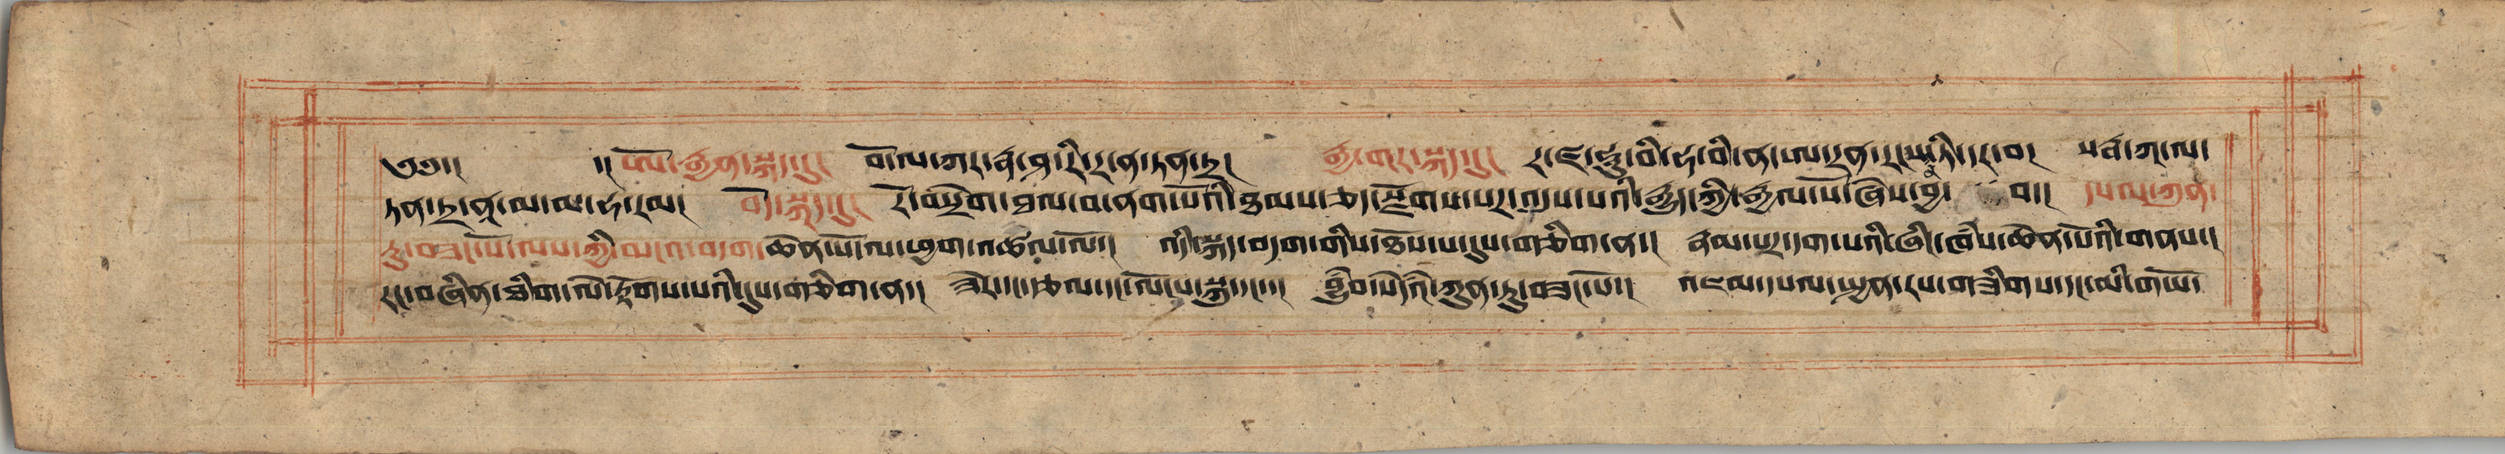༄༅་། ་།ཨོ་རྒྱན་སྐད་དུ། བོ་ལ་ཀར་རྣ་ཤ་རི་ར་ན་ཏན་ཏྲ། རྒྱ་གར་སྐད་དུ། ར་ཛ་ཧཱུ་བི་ཧ་བི་ན་ཨ་དྲན་རང་ན་ས་ཏི་དར་བ། སརྦ་ཀ་ལ་
ཏན་ཏྲ་ནཱ་མ་མ་ཧ་རམ། བོད་སྐད་དུ། རོ་བསྲེག་ཐལ་བ་ནག་པོའི་ཐམས་ཅད་སྫོགས་པར་འདུས་པའི་རྒྱུད་ཀྱི་རྒྱལ་པོ་ཞེས་བྱ་བ་། དཔལ་ཀུན་
ཏུ་བཟང་པོ་ལས་ཀྱི་མངའ་བདག་ཆེན་པོ་ལ་ཕྱག་འཚལ་ལོ་། འདི་སྐད་བདག་གིས་ཐོས་པ་དུས་གཅིག་ན་། རྣམ་པར་དག་པའི་ཞིང་ཁཾས་ཆེན་པོའི་གནས་།
སུ་བཞིན་ཐིག་ལེ་རྟོགས་པའི་དུས་གཅིག་ན་། ཟེར་དང་རྩལ་དང་ལོངས་སྐུ་དང་་། བྱུཾབ་སེཾདའི་ཀུན་ཏུ་བཟང་པོ་། འཇམ་དཔལ་སྤྱན་རས་གཟིགས་དང་མི་གཡོ་